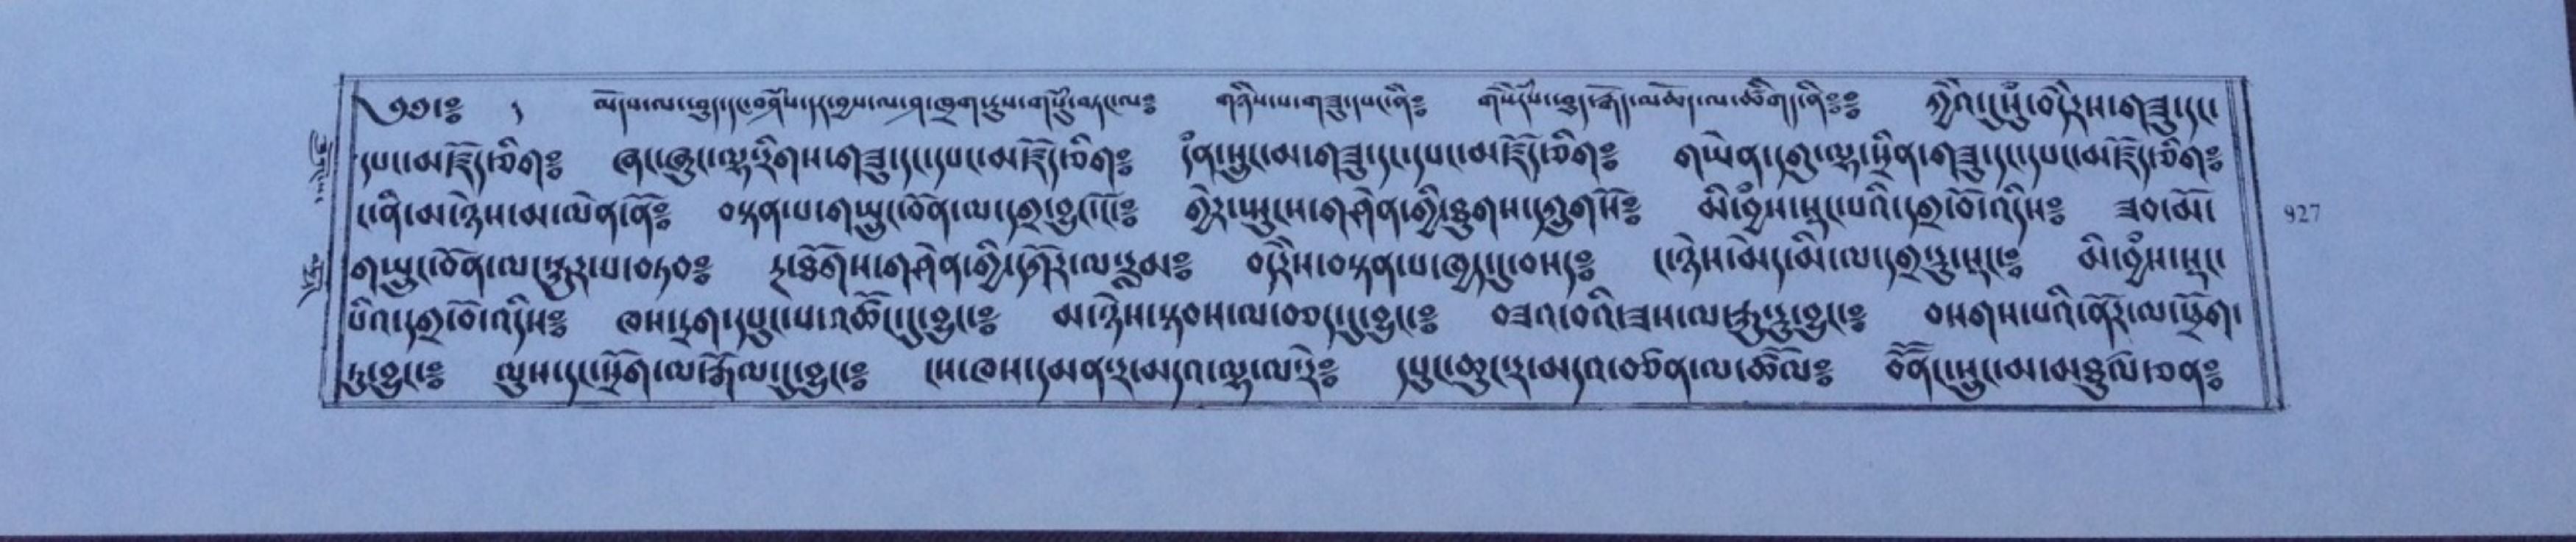མདོས་ལ་ཕུད་དང་བཤམས་དར་བྱས་ལ་ཤ་ཁྲག་རུས་གསུམ་བཏང་ལ༔ གཉིས་པ་གཟུ་དཔང་ནི༔ གསེར་སྐྱེམས་ཕུད་རྒོད་མཆོད་ལ་ཚིག་བཤད་ནི༔༔ ཀྱཻ་དུས་གསུམ་བདེར་གཤེགས་གཟུ་དང་
དཔང་མཛོད་ཅིག༔ ཞང་ཞུང་ལྷ་རིགས་གཟུ་དང་དཔང་མཛོད་ཅིག༔ དམ་ཅན་སྲུང་མ་གཟུ་དང་དཔང་མཛོད་ཅིག༔ གཡེན་དགུ་ལྷ་སྲིན་གཟུ་དང་དཔང་མཛོད་ཅིག༔ 
ང་ནི་མ་ཉེས་མ་ལེན་ནོ༔ བསྟན་པ་གཡུང་དྲུང་བོན་ལ་དགྲ་བྱུང་ངོ་༔ གྱེར་སྤུངས་གཤེན་གྱི་ཐུགས་དཀྲུགས་སོ༔ མི་བྱམས་སྡང་པའི་དགྲ་བོ་འདིས༔ ཟབ་མོ་
གཡུང་དྲུང་བོན་ལ་སྐུར་པ་བཏབ༔ རྔ་ཐོགས་གཤེན་གྱི་དཀར་པོ་ལ་རླམ༔ བདེར་གཤེགས་བསྟན་པ་ཁྱད་དུ་བསད༔ ང་ཉེས་མེད་མི་ལ་དགྲ་རུ་སྡང་༔ མི་བྱམས་སྡང་
པའི་དགྲ་བོ་འདིས༔ ཁས་དྲག་དཔུང་པ་འཚོང་དུ་བྱུང་༔ མ་ཉེས་སྟབས་ལ་བཅད་དུ་བྱུང་༔ བཟའ་བའི་ཟས་ལ་རྐུ་རུ་བྱུང་༔ བསགས་པའི་ནོར་ལ་ཕྲོག་
ཏུ་བྱུང་༔ ལུས་དང་སྲོག་ལ་རྒོལ་དུ་བྱུང་༔ ངས་ཁས་དམན་ར་མདའ་ལྷ་ལ་རེ༔ དཔུང་ཆུང་ར་མདའ་བཙན་ལ་ཚོལ༔ བོན་སྐྱོང་སྲུང་མ་མཐུ་རྩལ་ཅན༔